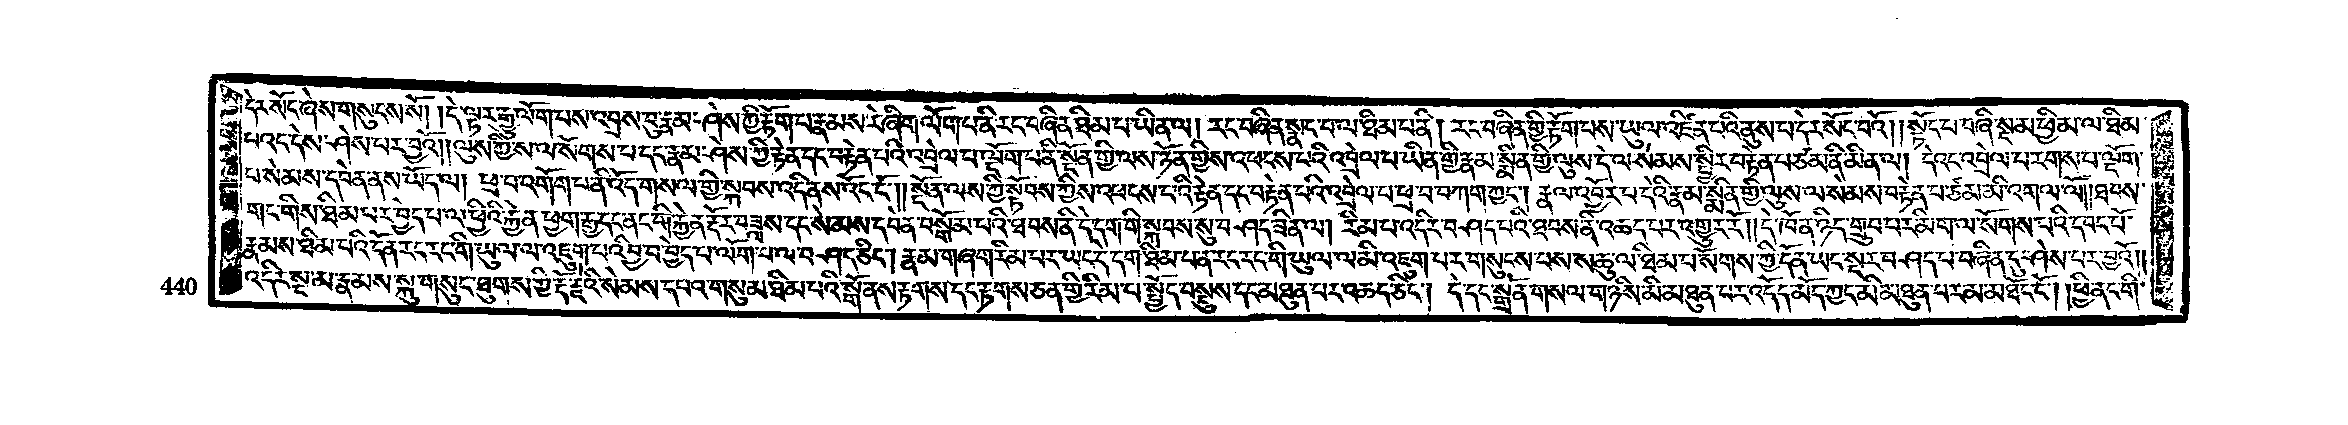དེར་སོང་ཞེས་གསུངས་སོ། །དེ་ལྟར་རྒྱུ་ལོག་པས་འབྲས་བུ་རྣམ་ཤེས་ཀྱི་རྟོག་པ་རྣམས་རེ་ཞིག་ལོག་པ་ནི་རང་བཞིན་ཐིམ་པ་ཡིན་ལ། རང་བཞིན་སྣང་བ་ལ་ཐིམ་པ་ནི། རང་བཞིན་གྱི་རྟོག་པས་ཡུལ་འཛིན་པའི་ནུས་པ་དེར་སོང་བའོ། །སྟོང་པ་བཞི་སྔ་མ་ཕྱི་མ་ལ་ཐིམ་
པའང་དེས་ཤེས་པར་བྱའོ། །ལུས་ཀྱི་ས་ལ་སོགས་པ་དང་རྣམ་ཤེས་ཀྱི་རྟེན་དང་བརྟེན་པའི་འབྲེལ་པ་ལྡོག་པ་ནི་སྔོན་གྱི་ལས་ཉོན་གྱིས་འཕངས་པའི་འབྲེལ་པ་ཡིན་གྱི་རྣམ་སྨིན་གྱི་ལུས་དེ་ལ་སེམས་སྤྱིར་བརྟེན་པ་ཙམ་ནི་མིན་ལ། དེའང་འབྲེལ་པ་རགས་པ་ལྡོག་
པ་སེམས་དབེན་ནས་ཡོད་ལ། ཕྲ་བ་འགོག་པ་ནི་འོད་གསལ་གྱི་སྐབས་འདི་ནས་འོང་ངོ། །སྔོན་ལས་ཀྱི་སྟོབས་ཀྱིས་འཕངས་པའི་རྟེན་དང་བརྟེན་པའི་འབྲེལ་པ་ཕྲ་བ་བཀག་ཀྱང་། རྣལ་འབྱོར་པ་དེའི་རྣམ་སྨིན་གྱི་ལུས་ལ་སེམས་བརྟེན་པ་ཙམ་མི་འགལ་ལོ། །ཐབས་
གང་གིས་ཐིམ་པར་བྱེད་པ་ལ་ཕྱིའི་རྐྱེན་ཕྱག་རྒྱ་དང་ནང་གི་རྐྱེན་རྡོར་བཟླས་དང་སེམས་དབེན་བསྒོམ་པའི་ཐབས་ནི་དེ་དག་གི་སྐབས་སུ་བཤད་ཟིན་ལ། རིམ་པ་འདིར་བཤད་པའི་ཐབས་ནི་འཆད་པར་འགྱུར་རོ། །དེ་ཁོ་ན་ཉིད་གྲུབ་པར་མིག་ལ་སོགས་པའི་དབང་པོ་
རྣམས་ཐིམ་པའི་དོན་རང་རང་གི་ཡུལ་ལ་འཇུག་པའི་བྱ་བ་བྱེད་པ་ལ་ལོག་པ་ལ་བཤད་ཅིང་། རྣམ་གཞག་རིམ་པར་ཡང་དེ་དག་ཐིམ་པ་ན་རང་རང་གི་ཡུལ་ལ་མི་འཇུག་པར་གསུངས་པས་ས་ཆུ་ལ་ཐིམ་པ་སོགས་ཀྱི་དོན་ཡང་སྔར་བཤད་པ་བཞིན་དུ་ཤེས་པར་བྱའོ། །
འདིར་སྔ་མ་རྣམས་སྐུ་གསུང་ཐུགས་ཀྱི་རྡོ་རྗེའི་སེམས་དཔའ་གསུམ་ཐིམ་པའི་སྒོ་ནས་རྟགས་དང་རྟགས་ཅན་གྱི་རིམ་པ་སྤྱོད་བསྡུས་དང་མཐུན་པར་འཆད་ཅིང་། དེ་དང་སྒྲོན་གསལ་གཉིས་མི་མཐུན་པར་འདོད་མོད་ཀྱང་མི་མཐུན་པར་མ་མཐོང་ངོ། །ཕྱི་ནང་གི་